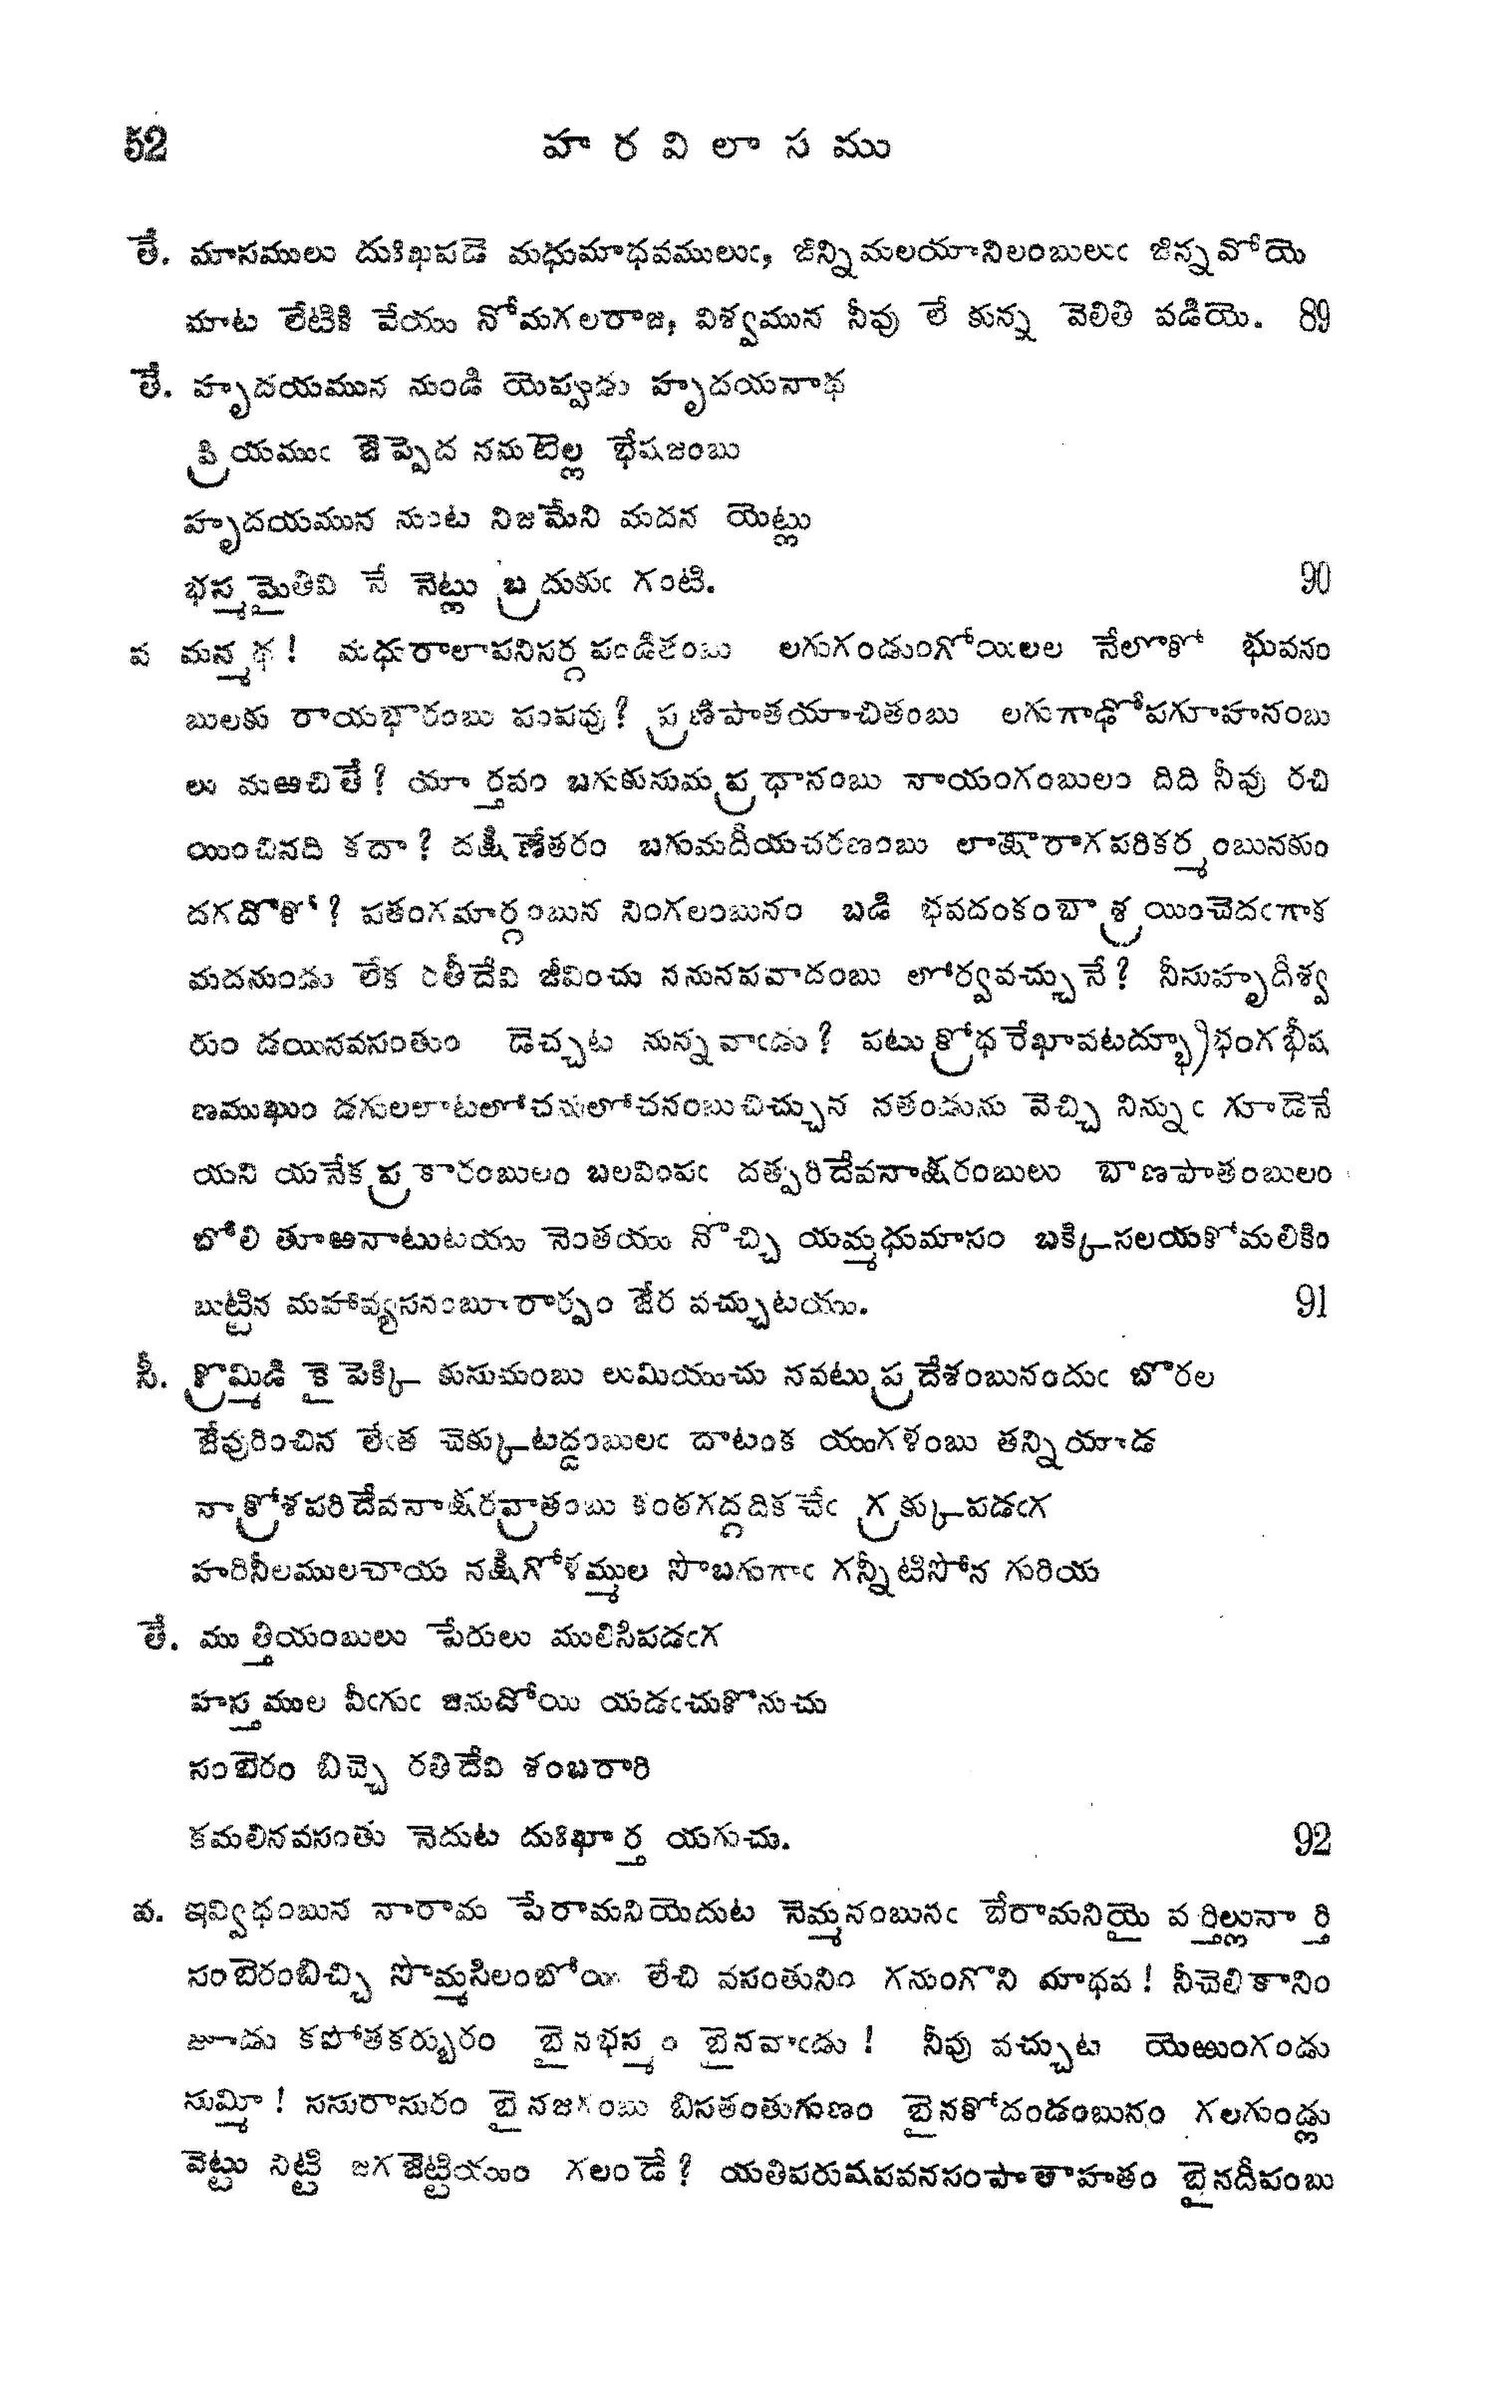తే. మాసములు దుఃఖపడె మధుమాధవములుఁ, జిన్నిమలయానిలంబులఁ జిన్నవోయె
మాట లేటికి వేయు నోమగలరాజ, విశ్వమున నీవు లేకున్న వెలితి వడియె. 89

తే. హృదయమున నుండి యెప్పుడు హృదయనాథ
ప్రియముఁ జెప్పెద ననుటెల్ల భేషజంబు
హృదయమున నుంట నిజమేని మదన యెట్లు
భస్మ మైతివి నే నెట్లు బ్రదుకుఁ గంటి. 90

వ. మన్మథ! మధురాలాపనిసర్గపండితంబు లగుగండుంగోయిలల నేలొకో భువనంబులకు రాయబారంబు పంపవు? ప్రణిపాతయాచితంబు లగుగాఢోపగూహనంబులు మఱచితే? యార్తవం బగుకుసుమప్రధానంబు నాయంగంబులం దిది నీవు రచియించినది కదా? దక్షిణేతరం బగుమదీయచరణంబు లాక్షారాగపరికర్మంబునకుం దగదొకో! పతంగమార్గంబున నింగలంబునం బడి భవదంకం బాశ్రయించెదఁగాక మదనుండు లేక రతీదేవి జీవించు ననునపవాదంబు లోర్వవచ్చునే? నీసుహృదీశ్వరుం డయినవసంతుం డెచ్చట నున్నవాఁడు? పటుక్రోధరేఖావటద్భ్రూభంగభీషణముఖుం డగులలాటలోచనులోచనంబు చిచ్చున నతండును వెచ్చి నిన్నుం గూడెనే యని యనేకప్రకారంబులం బలవింపఁ దత్పరిదేవనాక్షరంబులు బాణపాతంబులం బోలి తూఱనాటుటయు నెంతయు నొచ్చి యమ్మధుమాసం బక్కిసలయకోమలికిం బుట్టిన మహావ్యసనం బూరార్పం జేరవచ్చుటయు. 91

సీ. క్రొమ్మిడి కై పెక్కి కుసుమంబు లుమియుచు నవటుప్రదేశంబునందుఁ బొరల
జేవురించిన లేఁతచెక్కుటద్దంబులఁ దాటంకయుగళంబు తన్నియాడ
నాక్రోశపరిదేవనాక్షరవ్రాతంబు కంఠగద్గదికచేఁ గ్రక్కుపడఁగ
హరినీలములచాయ నక్షిగోళమ్ముల సొబగుగాఁ గన్నీటిసోన గురియ
తే. ముత్తియంబులు పేరులు ములిసిపడఁగ
హస్తముల వీఁగుఁ జనుదోయి యడఁచుకొనుచు
సంబెరం బిచ్చె రతిదేవి శంబరారి
కమలిన వసంతు నెదుట దుఃఖార్త యగుచు. 92

వ. ఇవ్విధంబున నారామ పేరామనియెదుట నెమ్మనంబునఁ బేరామనియై వర్తిల్లునార్తి సంబెరంబిచ్చి సొమ్మసిలంబోయి లేచి వసంతునిం గనుంగొని మాధవ! నీ చెలికానిం జూడు కపోతకర్బురం బైన భస్మం బైనవాఁడు! నీవు వచ్చుట యెఱుంగండు సుమ్మీ! ససురాసురం బైనజంబు బిసతంతుగుణం బైనశోదండంబునం గలగుండ్లు వెట్టు నిట్టి జగజెట్టియుం గలండే? యతిపరుషపవనసంపాతాహతం బైనదీపంబు